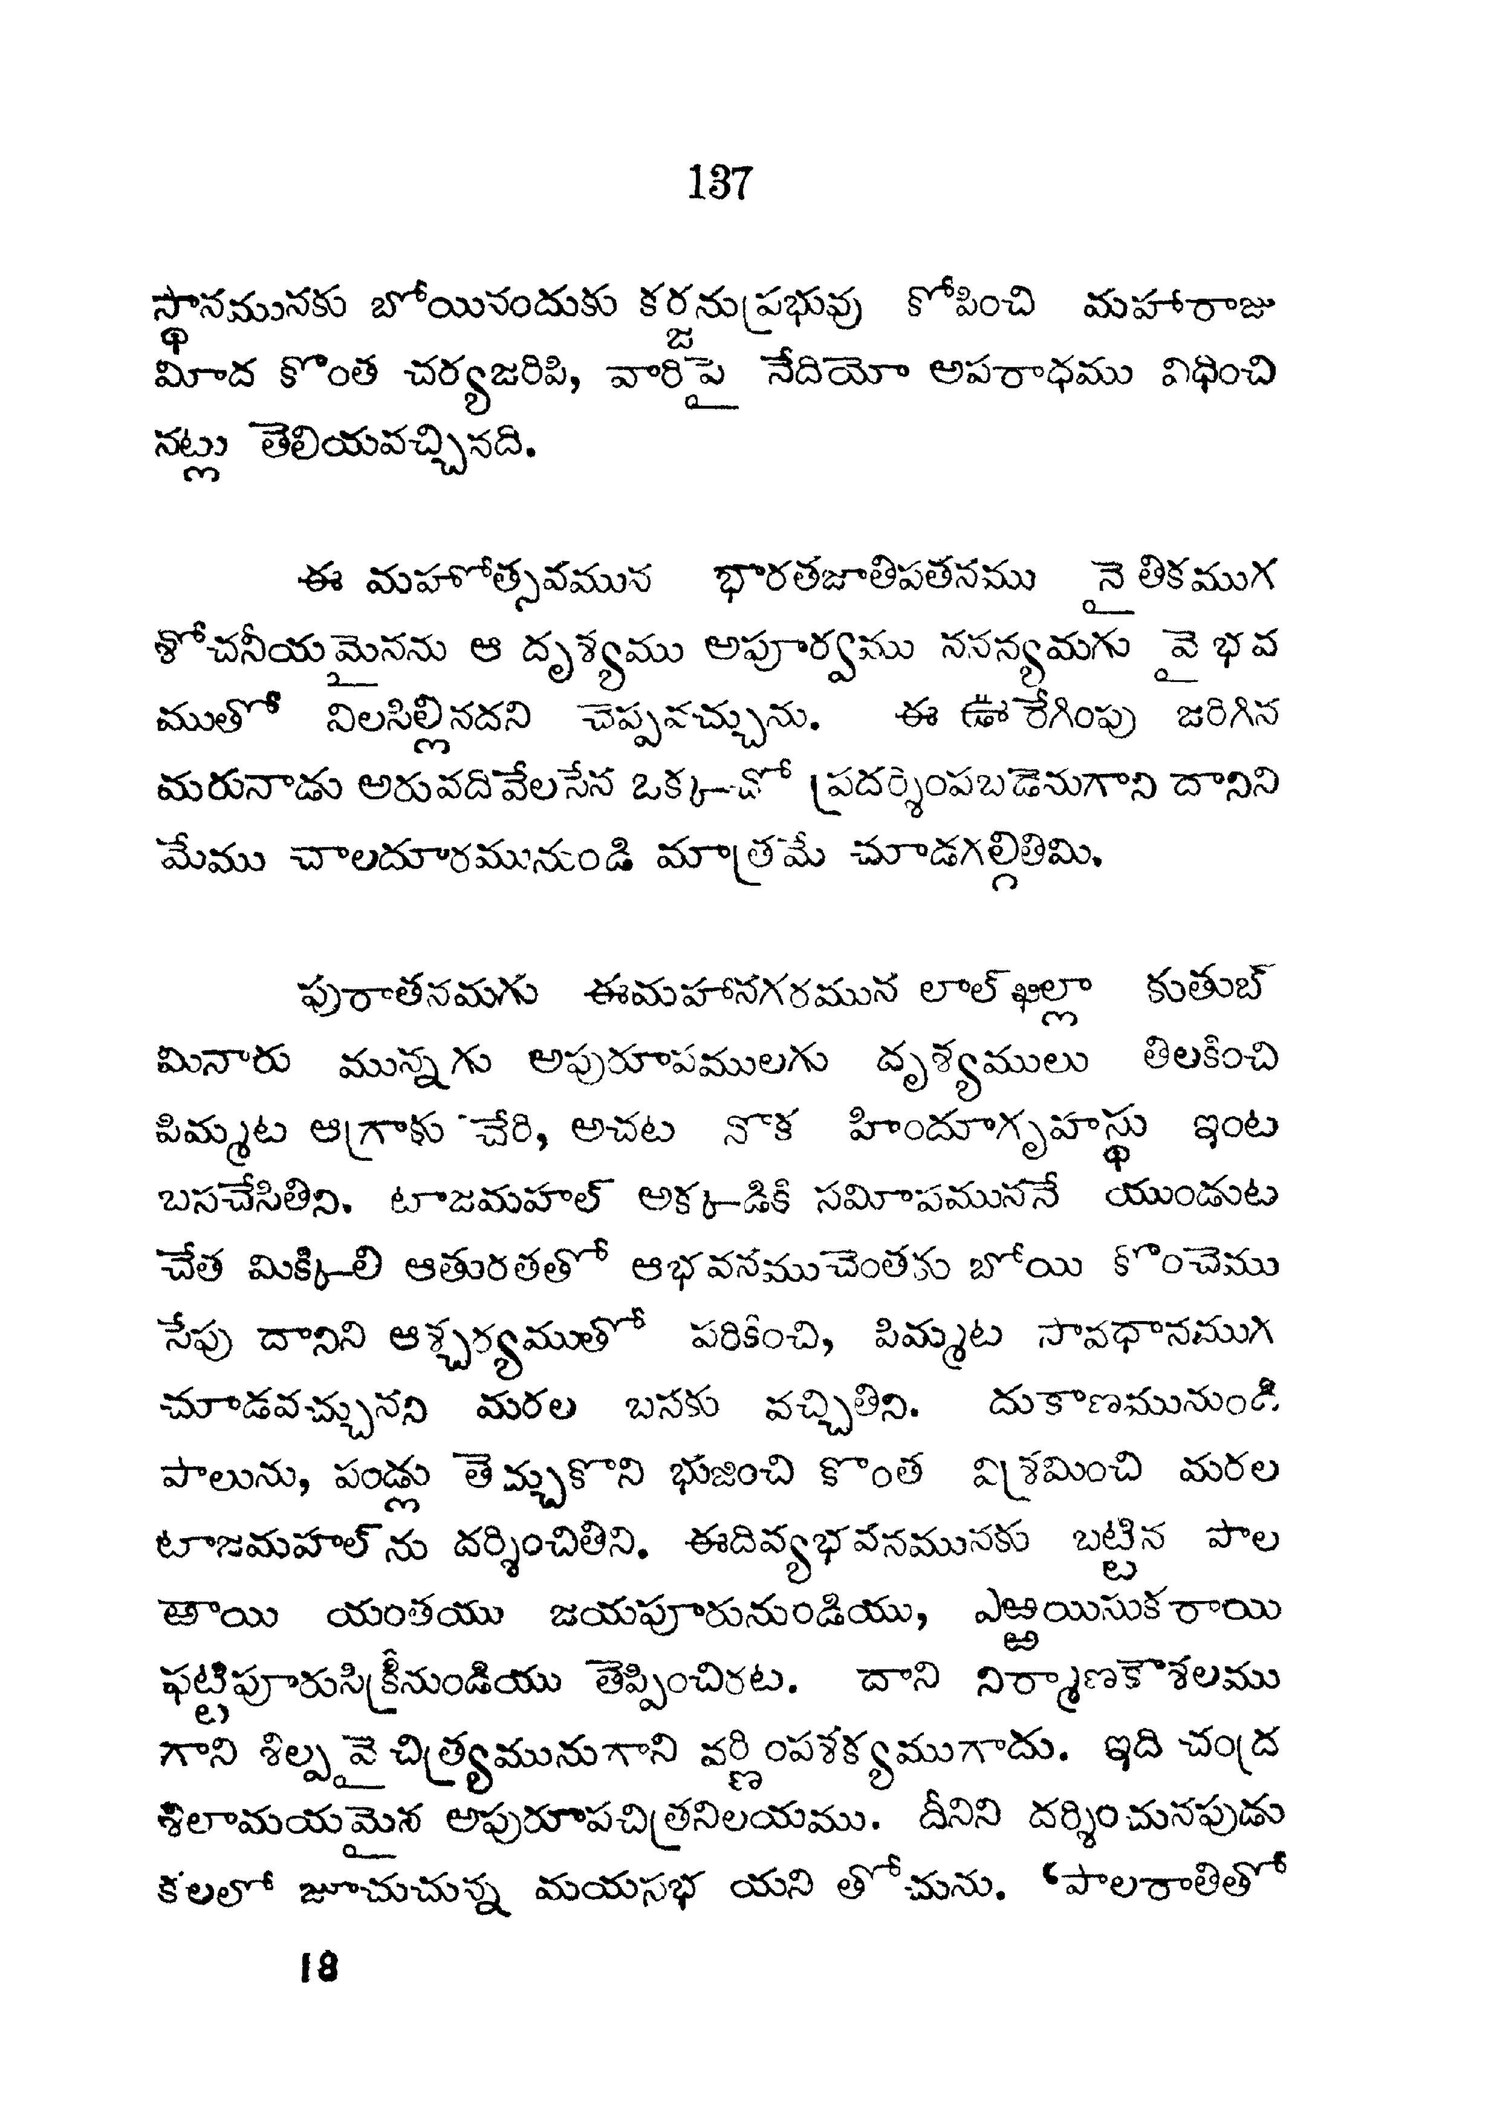స్థానమునకు బోయినందుకు కర్జనుప్రభువు కోపించి మహారాజు మీద కొంత చర్యజరిపి,వారిపై నేదియో అపరాధము విధించినట్లు తెలియవచ్చినది.

ఈ మహోత్సవమున భారతజాతిపతనము నైతికముగ శోచనీయమైనను ఆ దృశ్యము అపూర్వము ననన్యమగు వైభవముతో విలసిల్లినదని చెప్పవచ్చును. ఈ ఊరేగింపు జరిగిన మరునాడు అరువదివేలసేన ఒక్కచో ప్రదర్శింపబడెనుగాని దానిని మేము చాలదూరమునుండి మాత్రమే చూడగల్గితిమి.

పురాతనమగు ఈమహానగరమున లాల్‌ఖిల్లా కుతుబ్ మినారు మున్నగు అపురూపములగు దృశ్యములు తిలకించి పిమ్మట ఆగ్రాకు చేరి, అచట నొక హిందూగృహస్థు ఇంట బసచేసితిని. టాజమహల్ అక్కడికి సమీపముననే యుండుటచేత మిక్కిలి ఆతురతతో ఆభవనముచెంతకు బోయి కొంచెముసేపు దానిని ఆశ్చర్యముతో పరికించి, పిమ్మట సావధానముగ చూడవచ్చునని మరల బసకు వచ్చితిని. దుకాణమునుండి పాలును, పండ్లు తెచ్చుకొని భుజించి కొంత విశ్రమించి మరల టాజమహల్‌ను దర్శించితిని. ఈదివ్యభవనమునకు బట్టిన పాలఱాయి యంతయు జయపూరునుండియు, ఎఱ్ఱయిసుకరాయి ఫట్టిపూరుసిక్రీనుండియు తెప్పించిరట. దాని నిర్మాణకౌశలముగాని శిల్పవైచిత్ర్యమునుగాని వర్ణింపశక్యముగాదు. ఇది చంద్ర శిలామయమైన అపురూపచిత్రనిలయము.దీనిని దర్శించునపుడు కలలో జూచుచున్న మయసభ యని తోచును. 'పాలరాతితో